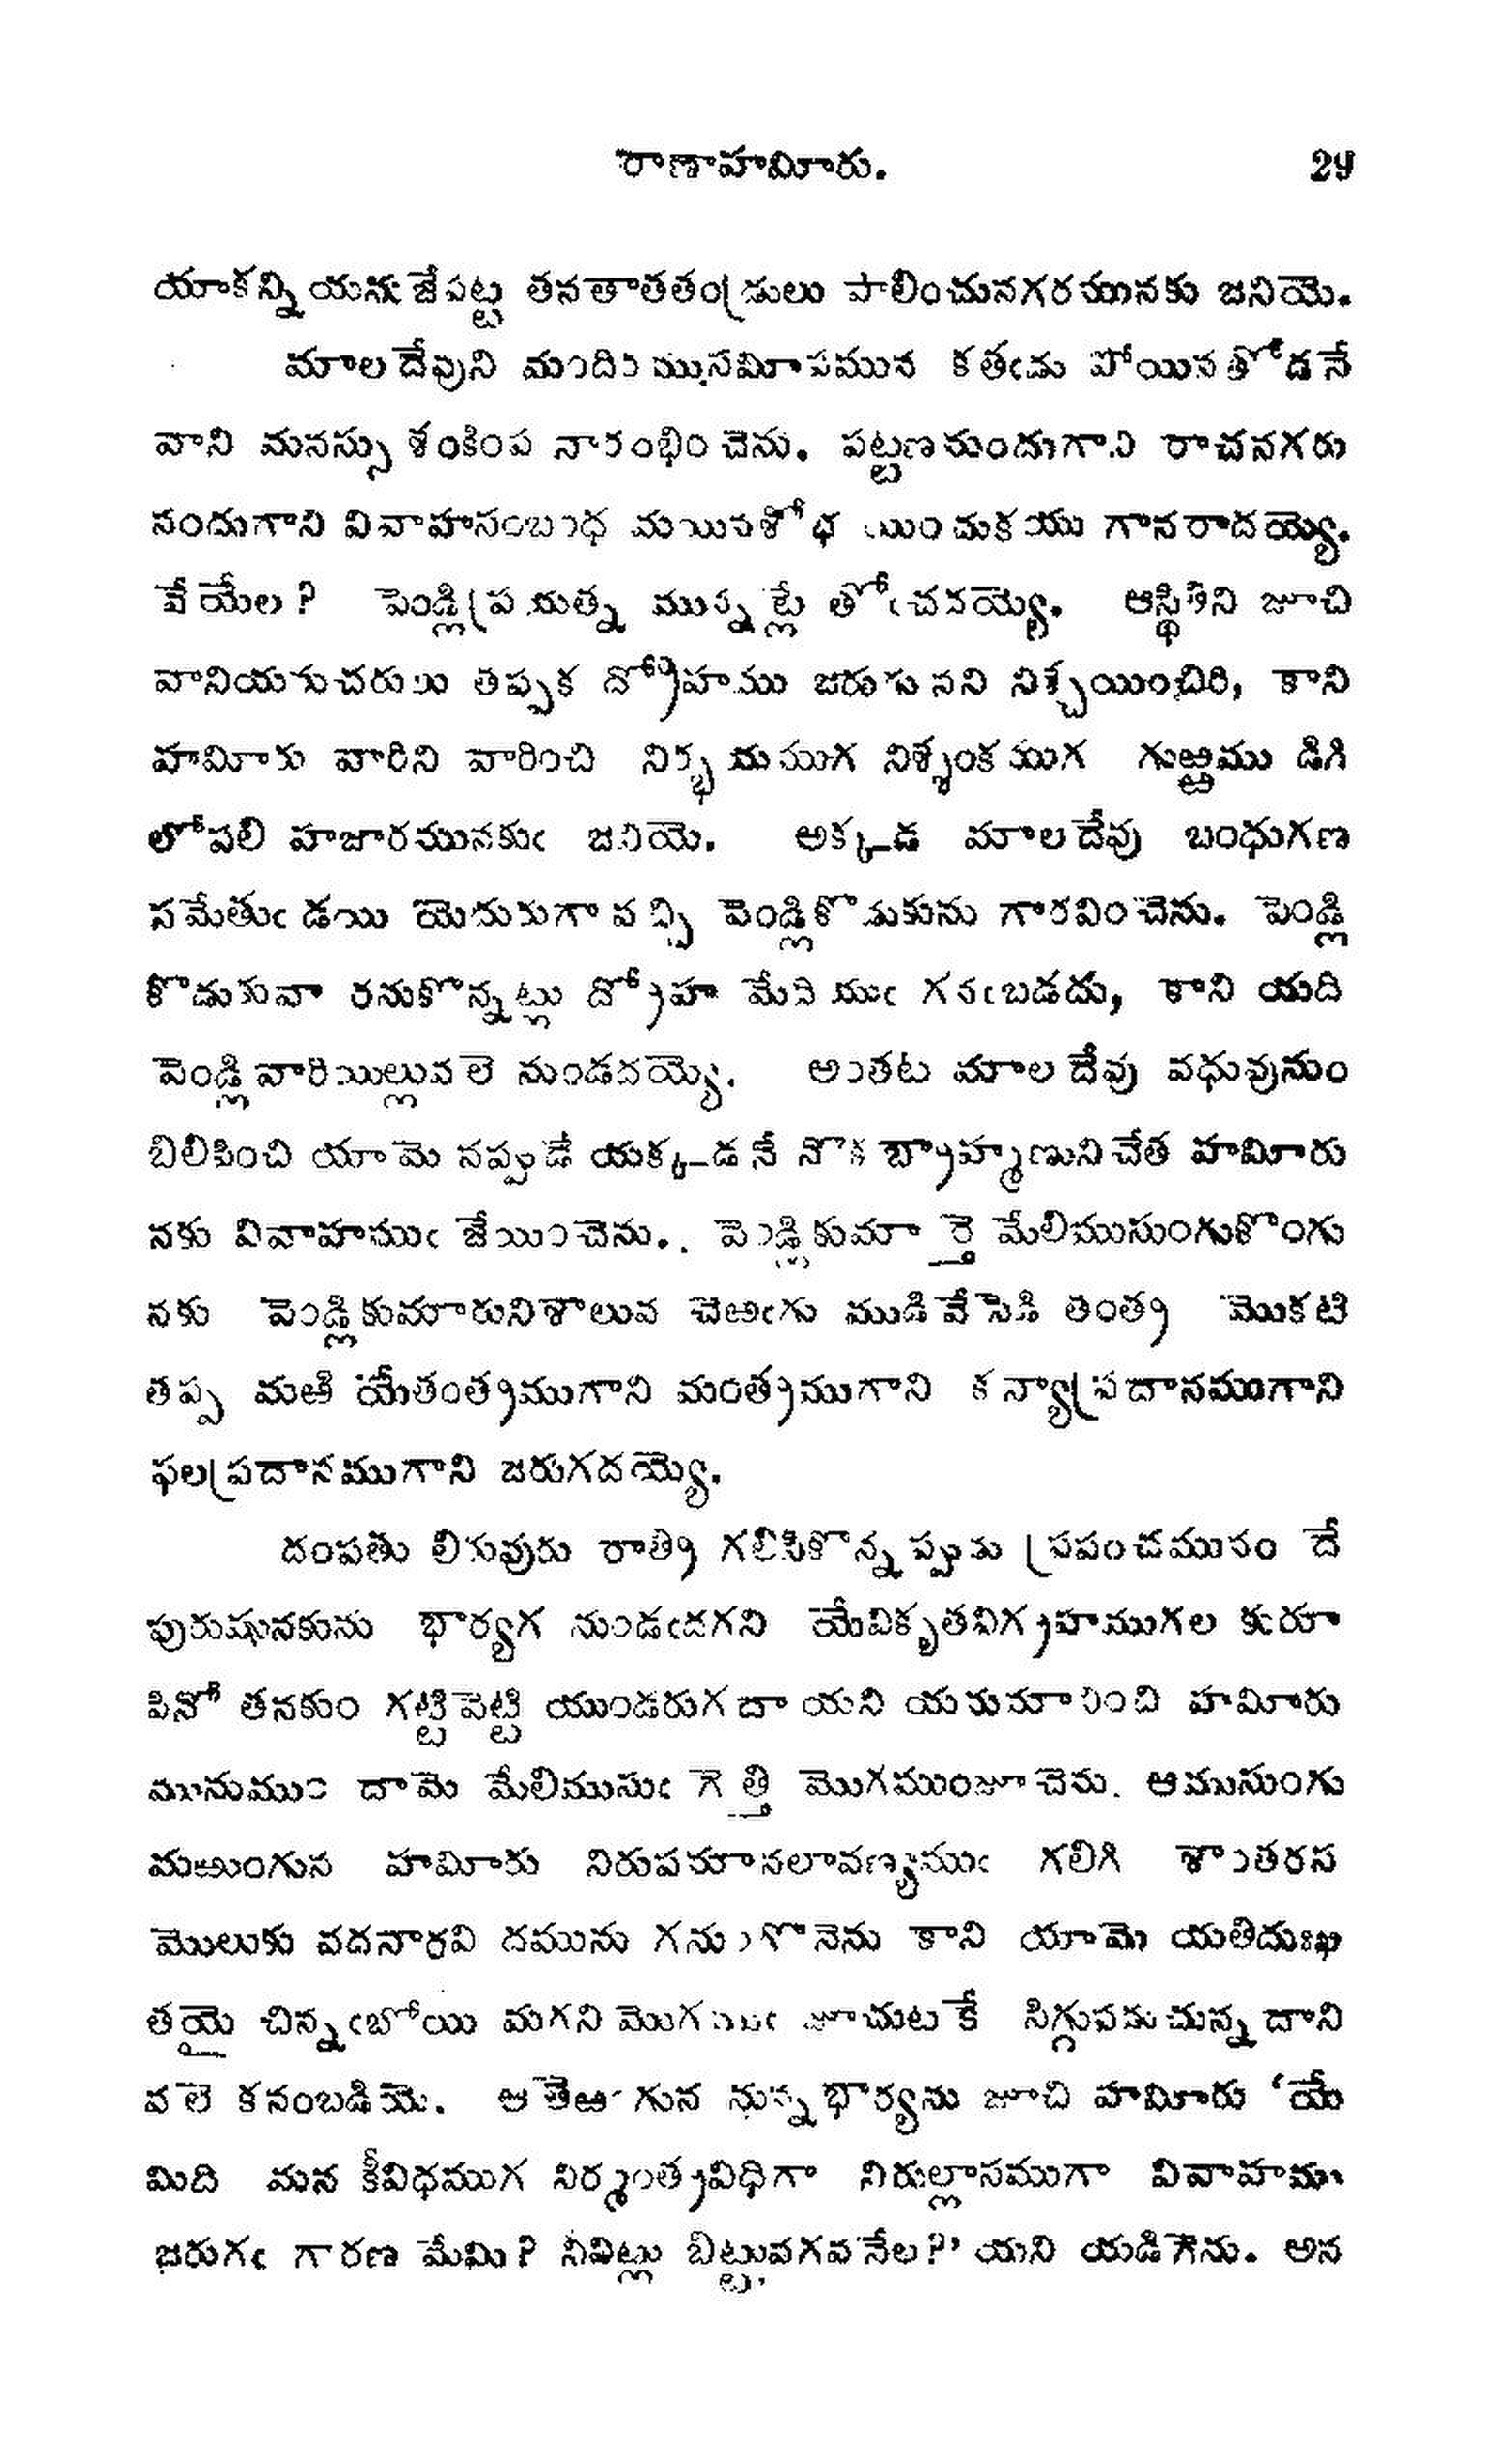యాకన్నియను జేపట్ట తన తాతతండ్రులు పాలించునగరమునకు జనియె.

మాలదేవుని మందిరముసమీపమున కతఁడు పోయిన తోడనే వాని మనస్సు శంకింప నారంభించెను, పట్టణ మందుగాని రాచనగరు నందుగాని వివాహసంబంధ మయినశోభ యించుకయు గానరాదయ్యె. వేయేల? పెండ్లి ప్రయత్న మున్నట్లే తోఁ చదయ్యె. ఆస్థితిని జూచి వానియనుచరులు తప్పక ద్రోహము జరుగనని నిశ్చయించిరి, కాని హమీరు వారిని వారించి నిర్భయముగ నిశ్శంకముగ గుఱ్ఱము డిగి లోపలి హజారమునకుఁ జనియె. అక్కడ మాలదేవు బంధుగణ సమేతుఁడయి యెదురుగా వచ్చి పెండ్లి కొడుకును గారవించెను. పెండ్లి కొడుకువా రనుకొన్నట్లు ద్రోహ మేది యుఁ గనఁబడదు, కాని యది పెండ్లి వారి యిల్లువలె నుండదయ్యె. అంతట మాలదేవు వధువునుం బిలిపించి యామె నప్పుడే యక్కడనే నొక బ్రాహ్మణుని చేత హమీరునకు వివాహముఁ జేయి౦చెను. పెండ్లి కుమార్తె మేలిముసుంగుకొంగునకు పెండ్లి కుమారుని శాలువ చెఱుఁగు ముడివేసెడి తంత్ర మొకటి తప్ప మఱి యేతంత్రముగాని మంత్రముగాని కన్యా ప్రదానముగాని ఫలప్రదానముగాని జరుగదయ్యె.

దంపతు లిరువురు రాత్రి గలిసికొన్నప్పుడు ప్రపంచమునందే పురుషునకును భార్యగ నుండఁదగని యేవికృత విగ్రహముగల కురూపినో తనకుం గట్టిపెట్టి యుండరుగదా యని యనుమానించి హమీరు మునుముం దామె మేలిముసుఁగెత్తి మొగముంజూచెను, ఆముసుంగు మఱుంగున హమీరు నిరుపమానలావణ్యముఁ గలిగి శాంతరస
మొలుకు వదనారవిందమును గనుఁగొనెను కాని యామె యతిదుఃఖతయై చిన్నఁబోయి మగని మొగముం చూచుటకే సిగ్గుపడు చున్న దానివలె కనంబడియె. ఆ తెఱంగున నున్న భార్యను జూచి హమీరు 'యేమిది మన కీవిధముగ నిర్మంత్ర విధిగా నిరుల్లాసముగా వివాహము జరుగఁ గారణమేమి? నీవిట్లు బిట్టువగవ నేల? యని యడిగెను. అన